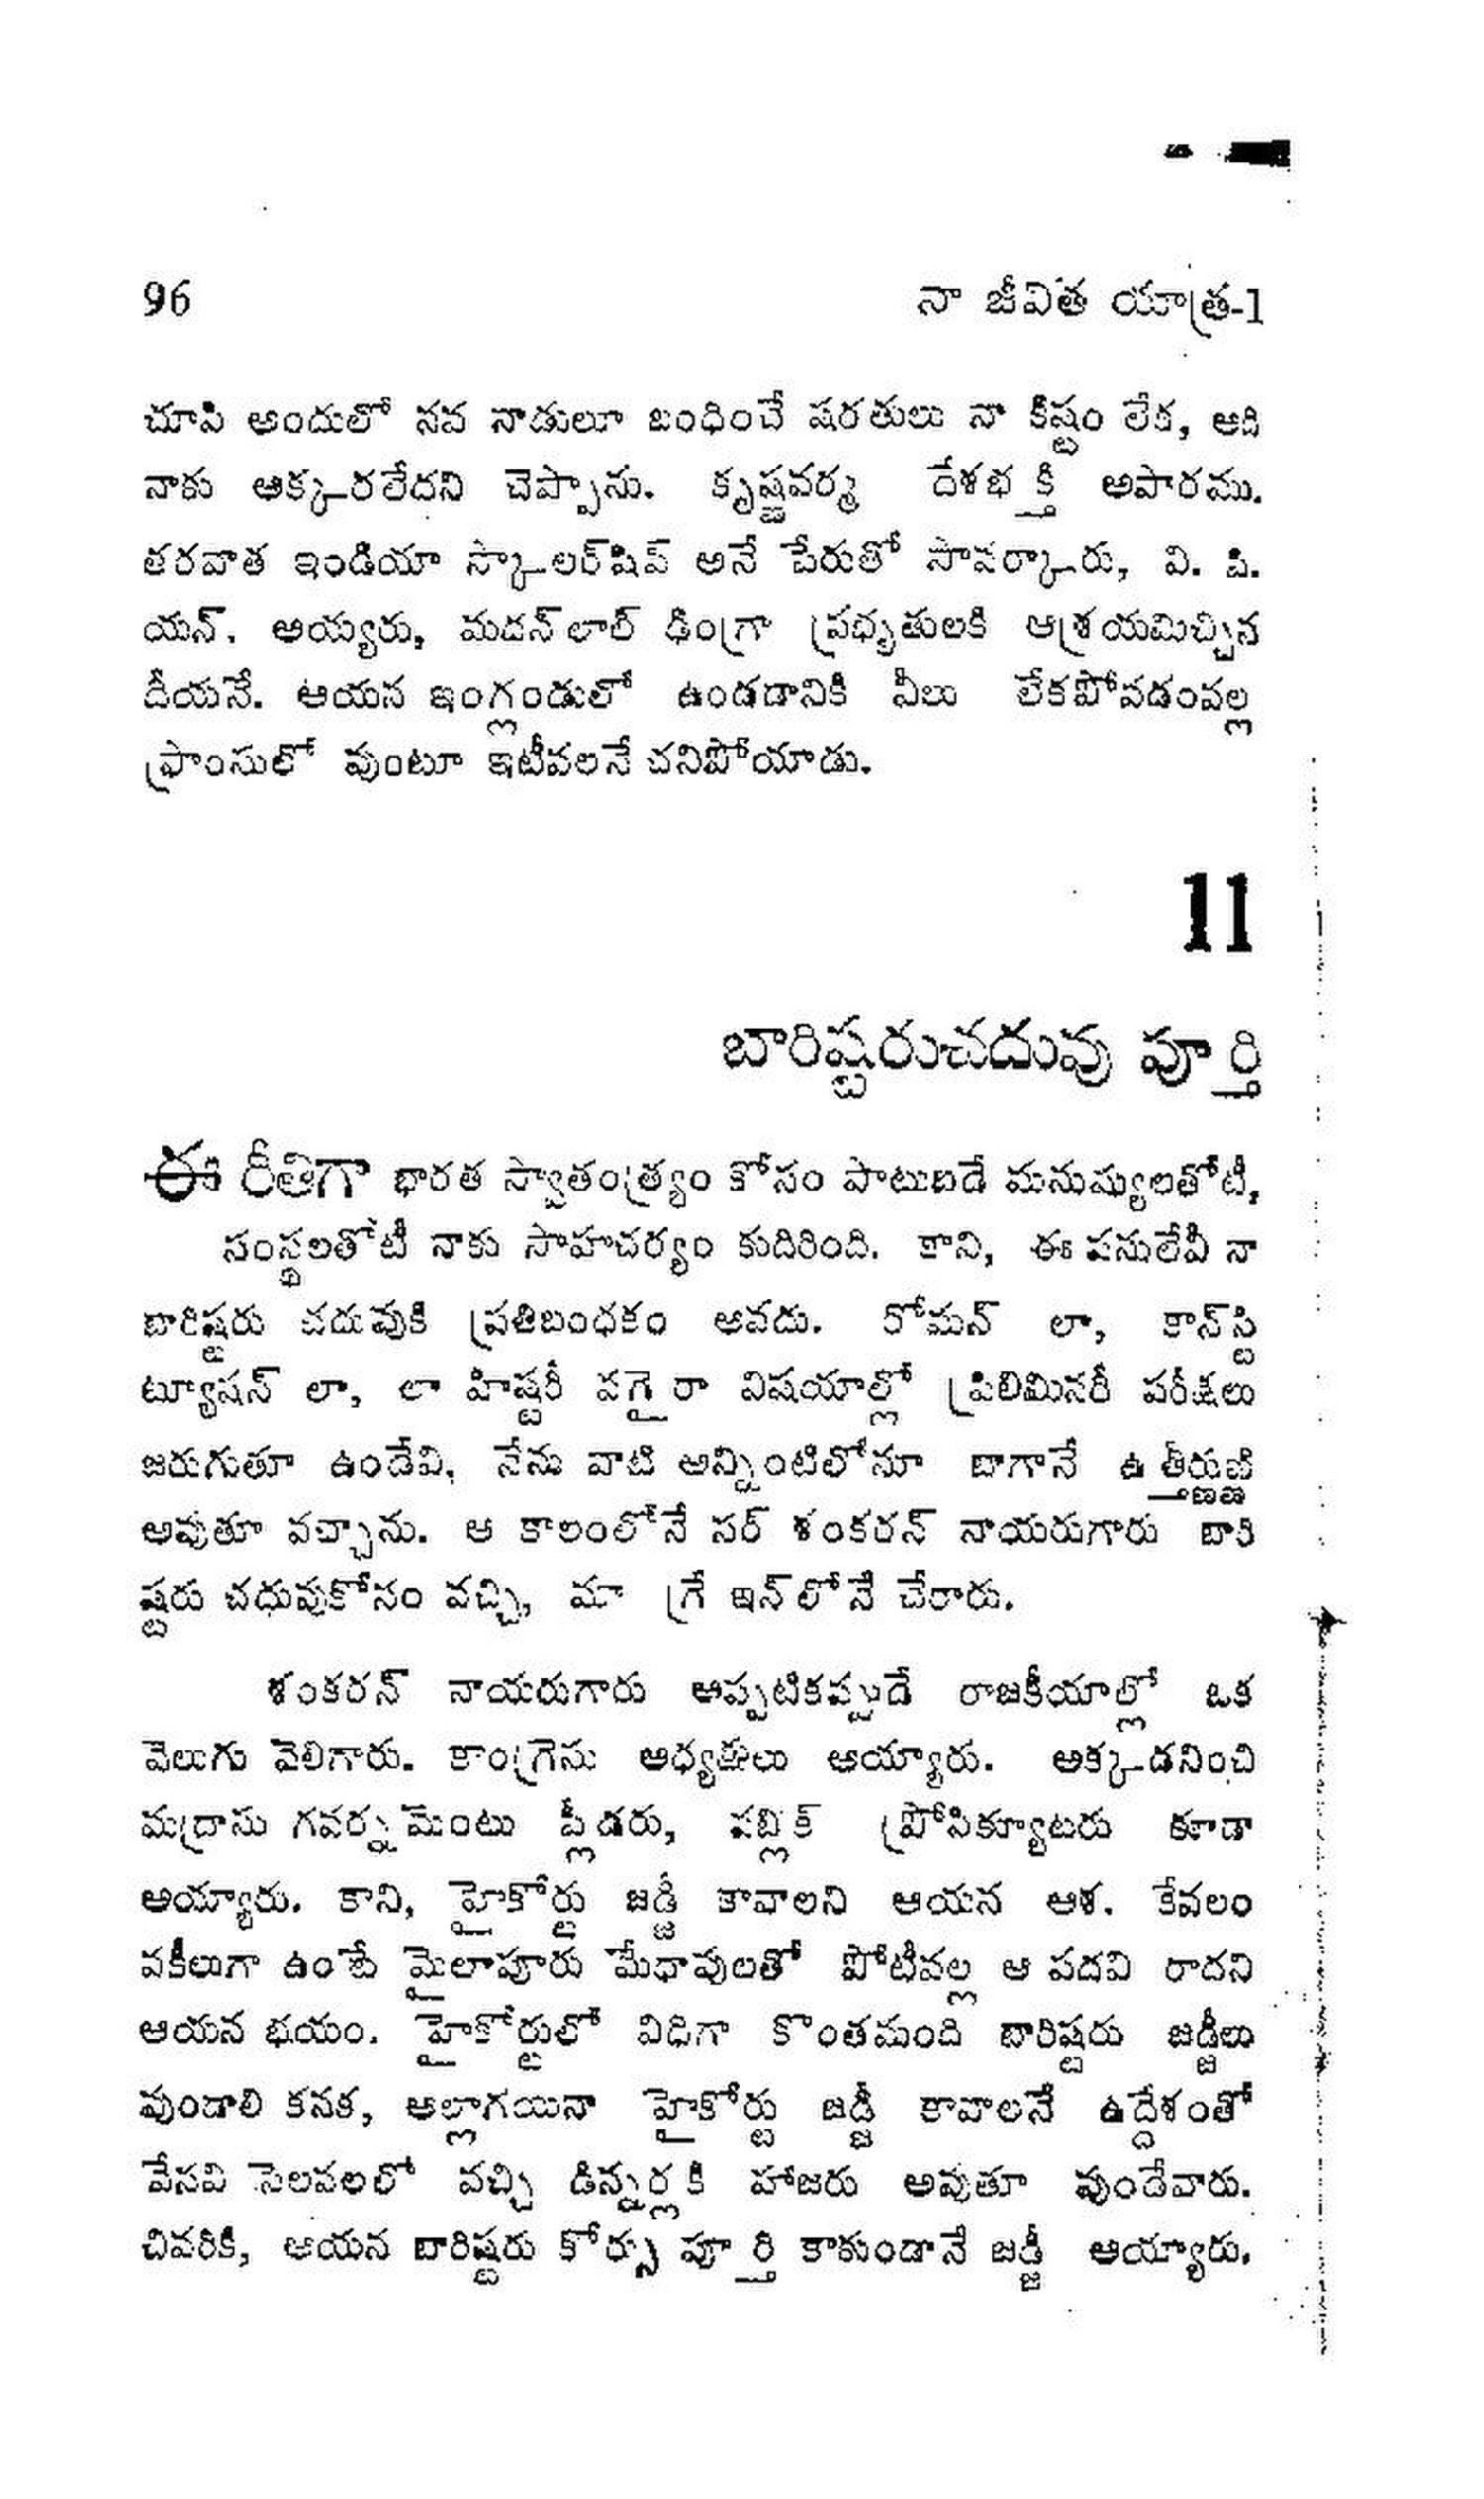చూసి అందులో నవ నాడులూ బంధించే షరతులు నా కిష్టం లేక, అది నాకు అక్కరలేదని చెప్పాను. కృష్ణవర్మ దేశభక్తి అపారము. తరవాత ఇండియా స్కాలర్‌షిప్ అనే పేరుతో సావర్కారు, వి. పి. యన్. అయ్యరు, మదన్‌లాల్ ఢింగ్రా ప్రభృతులకి ఆశ్రయమిచ్చినదీయనే. ఆయన ఇంగ్లండులో ఉండడానికి వీలు లేకపోవడంవల్ల ఫ్రాంసులో వుంటూ ఇటీవలనే చనిపోయాడు.

ఈ రీతిగా భారత స్వాతంత్ర్యం కోసం పాటుబడే మనుష్యులతోటీ, సంస్థలతోటీ నాకు సాహచర్యం కుదిరింది. కాని, ఈ పనులేవీ నా బారిష్టరు చదువుకి ప్రతిబంధకం అవదు. రోమన్ లా, కాన్‌స్టిట్యూషన్ లా, లా హిష్టరీ వగైరా విషయాల్లో ప్రిలిమినరీ పరీక్షలు జరుగుతూ ఉండేవి. నేను వాటి అన్నింటిలోనూ బాగానే ఉత్తీర్ణుణ్ణి అవుతూ వచ్చాను. అ కాలంలోనే సర్ శంకరన్ నాయరుగారు బారిష్టరు చదువుకోసం వచ్చి, మా గ్రే ఇన్‌లోనే చేరారు.

శంకరన్ నాయరుగారు అప్పటికప్పుడే రాజకీయాల్లో ఒక వెలుగు వెలిగారు. కాంగ్రెసు అధ్యక్షులు అయ్యారు. అక్కడనించి మద్రాసు గవర్నమెంటు ప్లీడరు, పబ్లిక్ ప్రోసిక్యూటరు కూడా అయ్యారు. కాని, హైకోర్టు జడ్జీ కావాలని ఆయన ఆశ. కేవలం వకీలుగా ఉంటే మైలాపూరు మేధావులతో పోటీవల్ల ఆ పదవి రాదని ఆయన భయం. హైకోర్టులో విధిగా కొంతమంది బారిష్టరు జడ్జీలు వుండాలి కనక, అల్లాగయినా హైకోర్టు జడ్జీ కావాలనే ఉద్దేశంతో వేసవి సెలవలలో వచ్చి డిన్నర్లకి హాజరు అవుతూ వుండేవారు. చివరికి, ఆయన బారిష్టరు కోర్సు పూర్తి కాకుండానే జడ్జీ అయ్యారు.